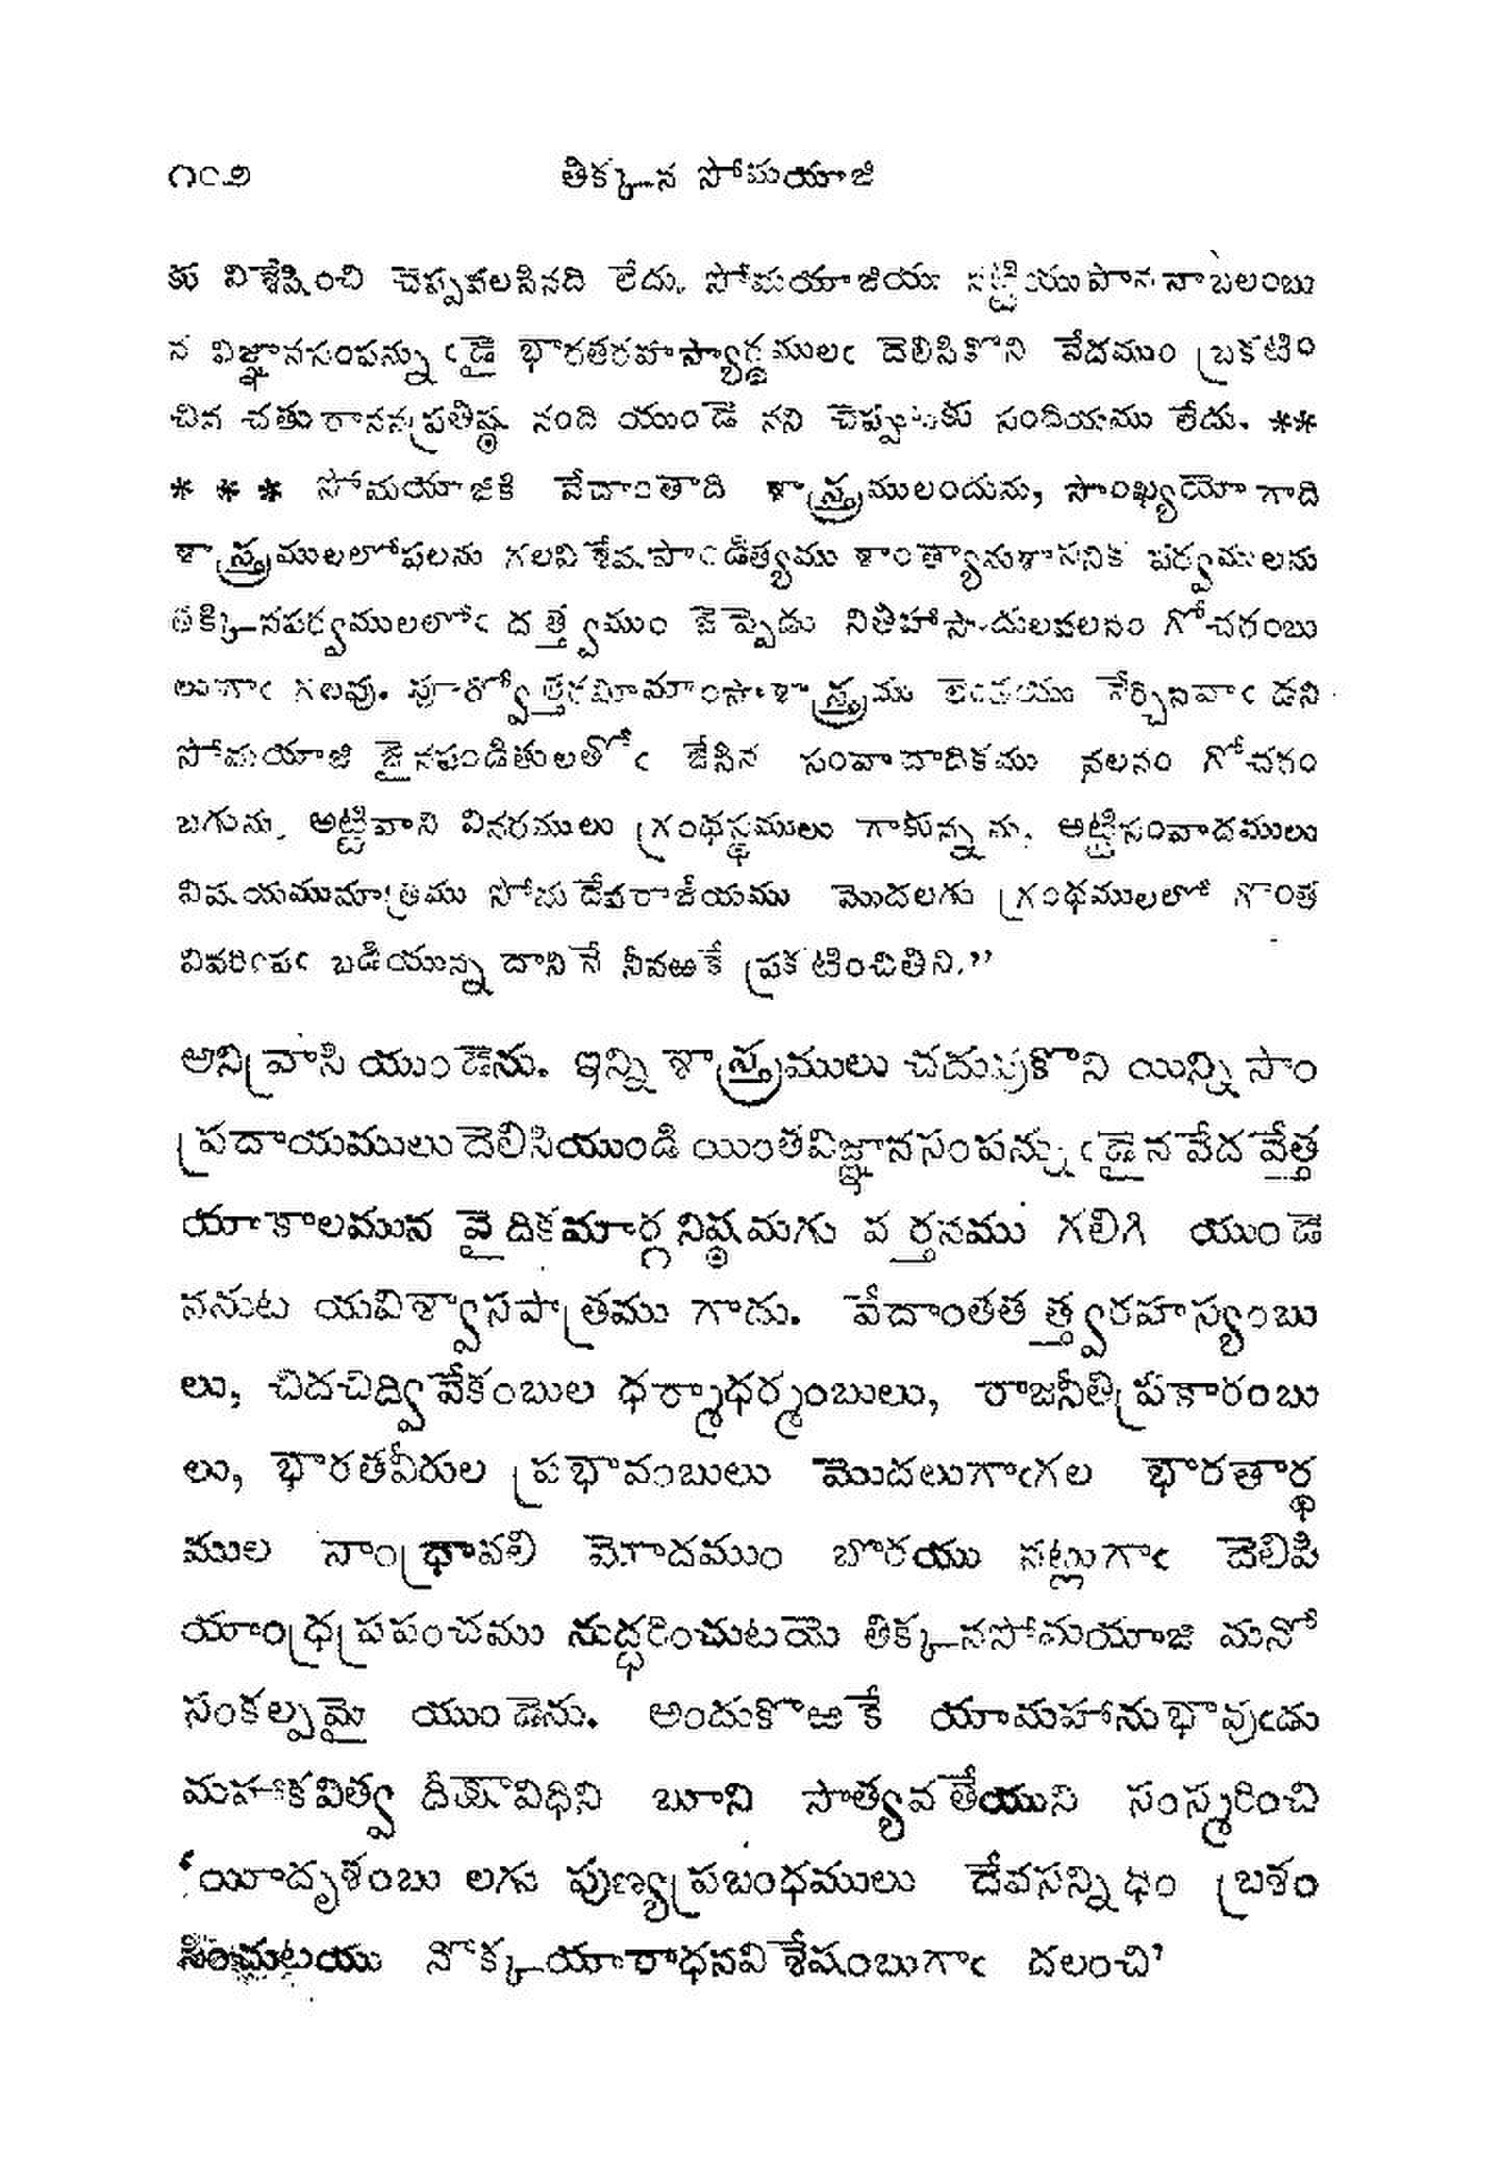కు విశేషించి చెప్పవలసినది లేదు. సోమయాజియు నట్టియుపాసనాబలంబున విజ్ఞానసంపన్నుఁడై భారతరహస్యార్థములఁ దెలిసికొని వేదముం బ్రకటించిన చతురాననప్రతిష్ఠ నంది యుండె నని చెప్పుటకు సందియము లేదు. ** * * * సోమయాజికి వేదాంతాది శాస్త్రములందును, సాంఖ్యయోగాది శాస్త్రములలోపలను గలవిశేషపాండిత్యము శాంత్యానుశాసనిక పర్వములను తక్కినపర్వములలోఁ దత్త్వముం జెప్పెడు నితిహాసాదులవలనం గోచరంబులుగాఁ గలవు. పూర్వోత్తరమీమాంసశాస్త్రము లెంతయు నేర్చినవాఁ డని సోమయాజి జైనపండితులతోఁ జేసిన సంవాదాదికము వలనం గోచరంబగును. అట్టివాని వివరములు గ్రంథస్థములు గాకున్నను. అట్టిసంవాదములు విషయముమాత్రము సోమదేవరాజీయము మొదలగు గ్రంథములలో గొంత వివరింపఁ బడియున్నదానినే నీవఱకే ప్రకటించితిని.” 

అనివ్రాసి యుండెను. ఇన్నిశాస్త్రములు చదువుకొని యిన్ని సాంప్రదాయములు దెలిసియుండి యింతవిజ్ఞానసంపన్నుడైనవేదవేత్త యాకాలమున వైదికమార్గనిష్ఠమగు పర్తనము గలిగి యుండెననుట యవిశ్వాసపాత్రము గాదు. వేదాంతతత్త్వరహస్యంబులు, చిదచిద్వివేకంబుల ధర్మాధర్మంబులు, రాజనీతిప్రకారంబులు, భారతవీరుల ప్రభావంబులు మొదలుగాఁగల భారతార్థముల నాంధ్రావలి మోదముం బొరయు నట్లుగాఁ దెలిపి యాంధ్రప్రపంచము సుద్దరించుటయే తిక్కనసోమయాజి మనోసంకల్పమై యుండెను. అందుకొఱకే యామహానుభావుఁడు మహాకవిత్వ దీక్షావిధిని బూని సాత్యవతేయుని సంస్మరించి 'యీదృశంబు లగు పుణ్యప్రబంధములు దేవసన్నిధిం బ్రశంసించుటయు నొక్కయారాధనవిశేషంబుగాఁ దలంచి'